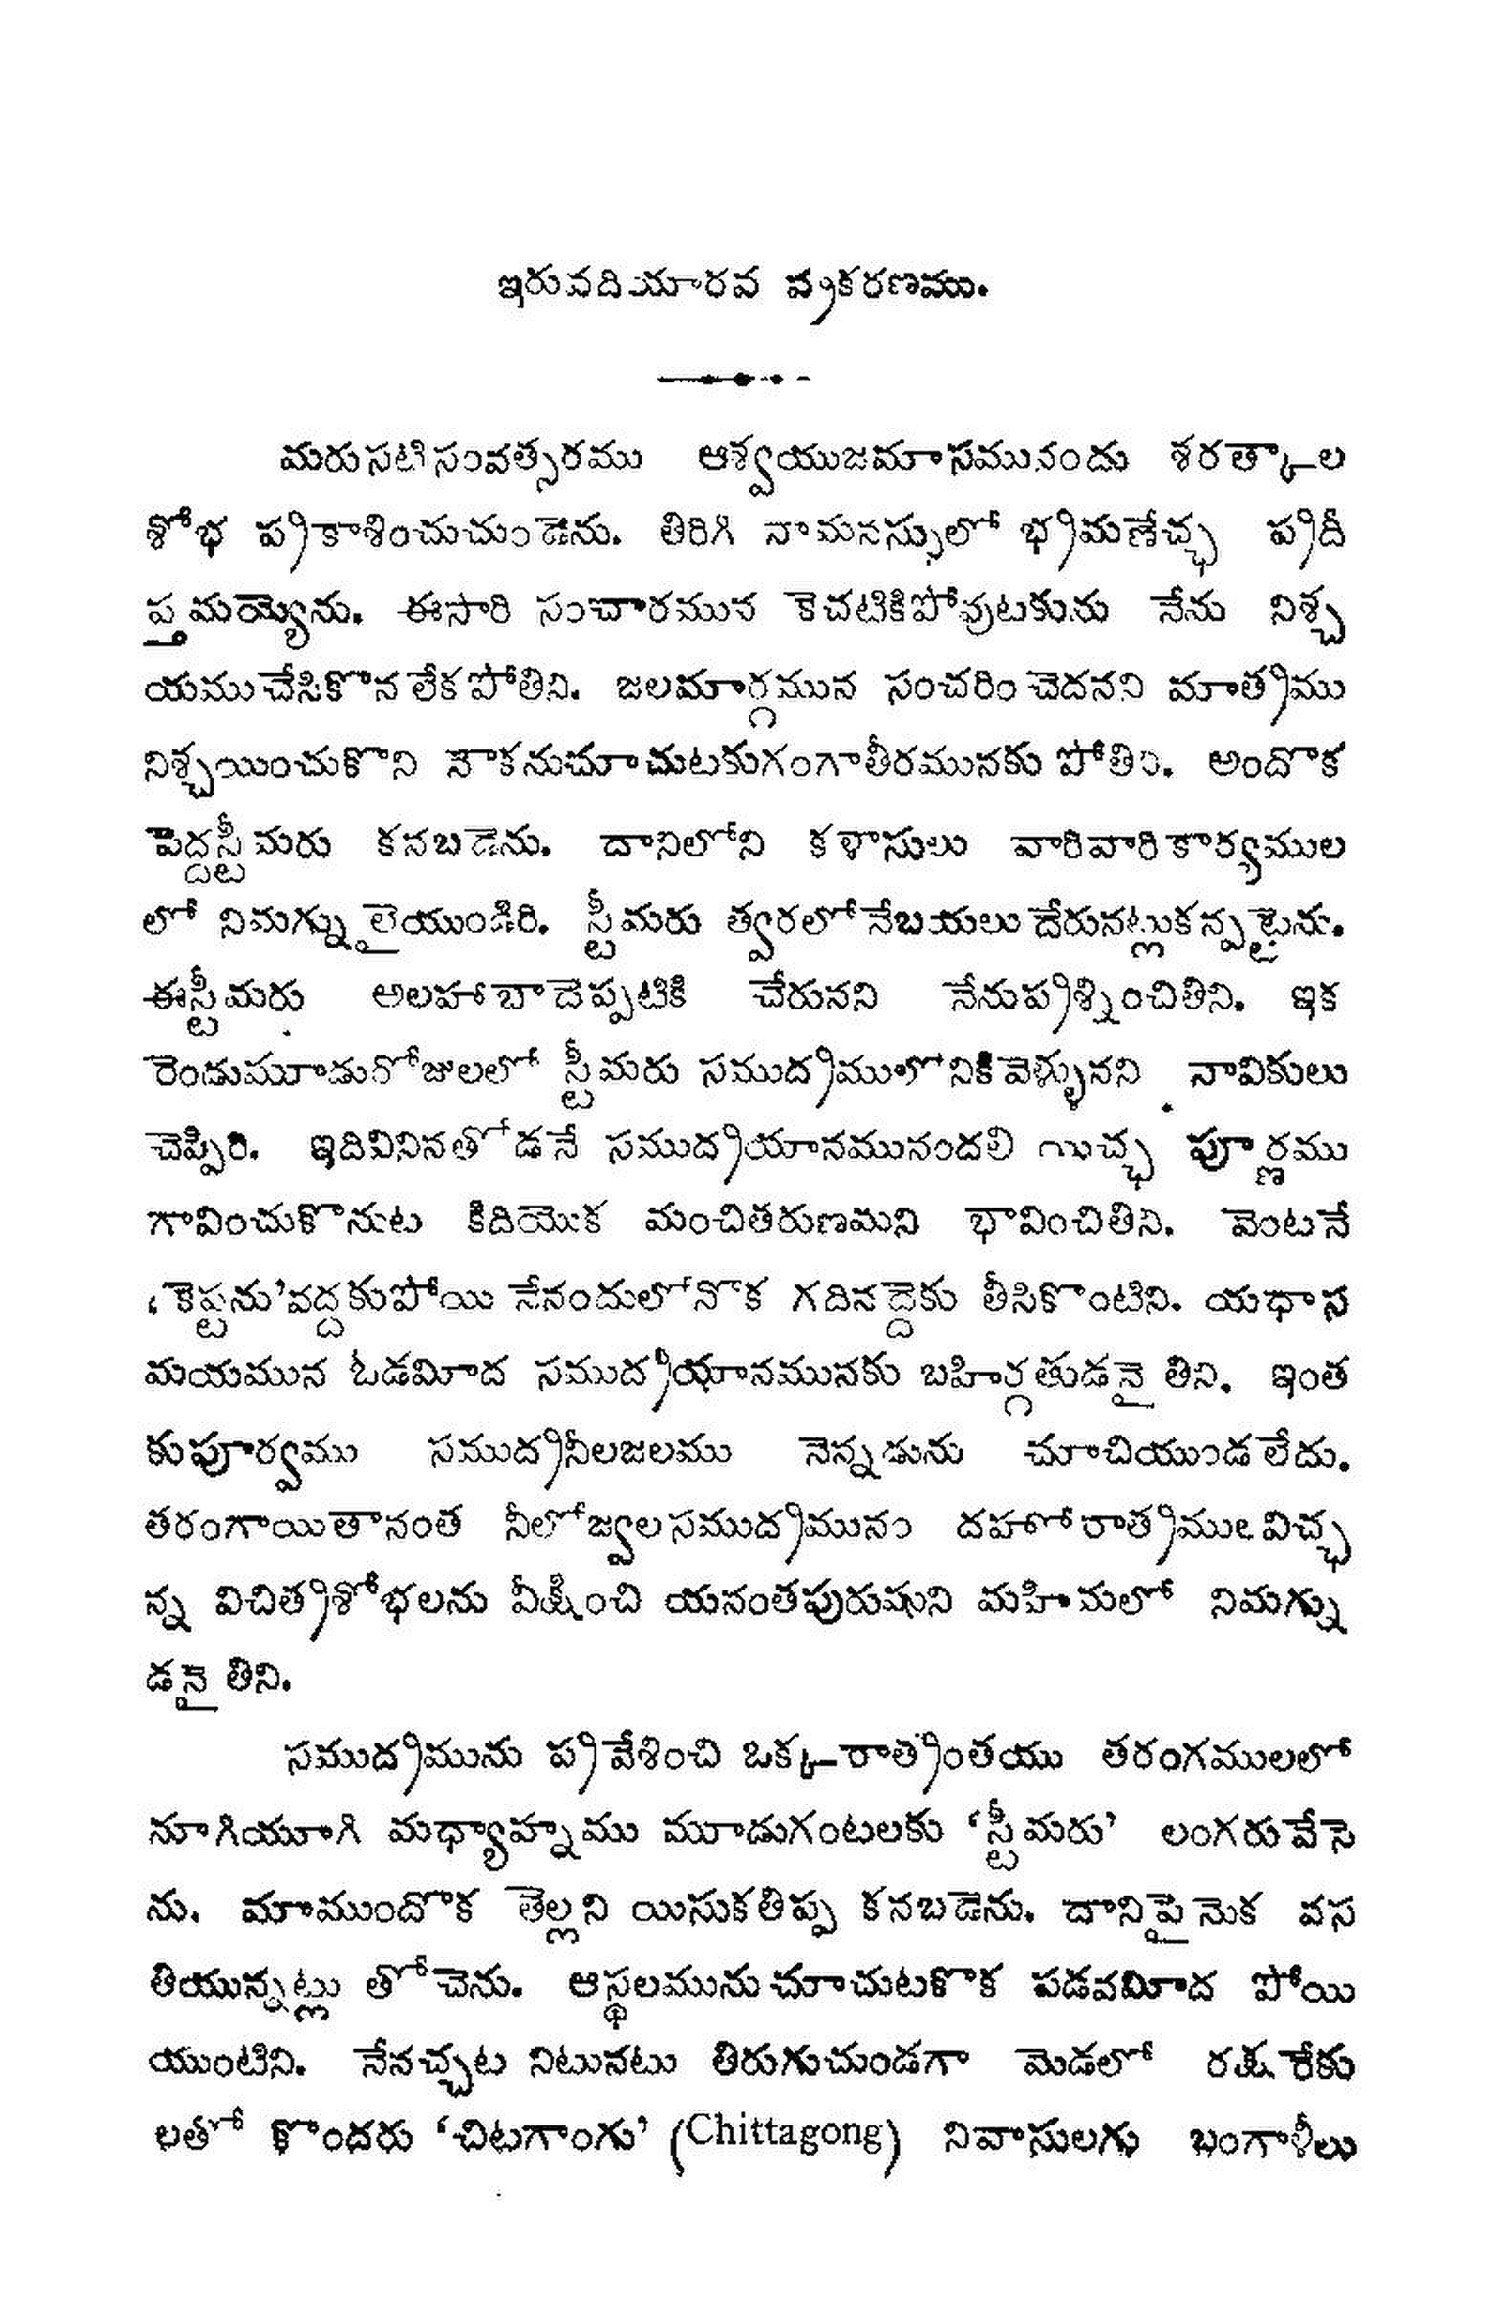మరుసటి సంవత్సరము ఆశ్వయుజమాజమాసము నందు శరత్కాల
శోభ ప్రకాశించు చుండెను. తిరిగి నా మనస్సులో భ్రమణేచ్ఛ ప్రదీప్త 
మయ్యెను. ఈసారి సంచారమున కెచటికి పోవుటకును నేను నిశ్చయము 
చేసికొన లేక పోతిని. జలమార్గమున సంచరించెదనని మాత్రము 
నిశ్చయించుకొని నౌకను చూచుటకు గంగా తీరమునకు పోతిని. 
అందొక పెద్దస్టీమరు కనబడెను. దానిలోని కళాసులు వారివారి కార్యములలో
నిమగ్ను లైయుండిరి. స్టీమరు త్వరలోనేబయలు దేరునట్లు కన్పటైను.
ఈస్టీమరు అలహాబాదెప్పటికి చేరునని నేను ప్రశ్నించితిని. ఇక
రెండు మూడు రోజులలో స్టీమరు సముదములోనికి వెళ్ళునని .
నావికులు చెప్పిరి. ఇది వినిన తోడనే సముద్ర యానము నందలి యిచ్ఛ 
పూర్ణము గావించుకొనుట కిదియొక మంచి తరుణమని భావించితిని. 
వెంటనే కెప్టను' వద్దకు పోయి నేనందులో నొక గదినద్దెకు తీసికొంటిని. 
యధాసమయమున ఓడమీద సముద్ర యానమునకు బహిర్గతుడనైతిని, 
ఇంతకు పూర్వము సముద్రనీలజలము నెన్నడును చూచియుండ లేదు.
తరంగాయితానంత నీలోజ్వల సముద్రమును దహో రాత్రము 
విచ్ఛన్న విచిత్రశోభలను వీక్షించి యనంత పురుషుని మహిమలో 
నిమగ్ను డనైతిని.

సముదమును ప్రవేశించి ఒక్క రాత్రంతయు తరంగములలో
నూగియూగి మధ్యాహ్నము మూడుగంటలకు 'స్టీమరు' లంగరు వేసెను.
మాముందొక తెల్లని యిసుక తిప్ప కనబడెను. దానిపై ఒక వస
తియున్నట్లు తోచెను. ఆస్థలమును చూచుటకొక పడవమీద పోయి
యుంటిని. నేనచ్చట నిటునటు తిరుగుచుండగా మెడలో రక్ష రేకు
లతో కొందరు 'చిటగాంగు' (Chittagong) నివాసులగు బంగాళీలు